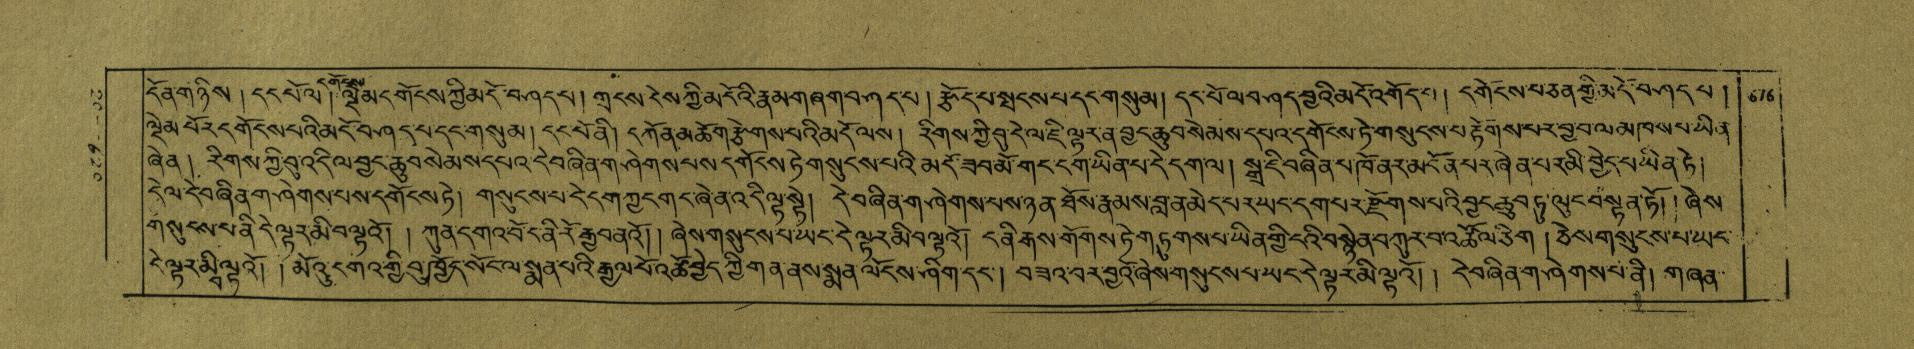དོན་གཉིས། དང་པོ་ལ། དགོངས་ལྡེམ་དགོངས་ཀྱི་མདོ་བཤད་པ། གྲངས་ངེས་ཀྱི་མདོའི་རྣམ་གཞག་བཤད་པ། རྩོད་པ་སྤངས་པ་དང་གསུམ། དང་པོ་ལ་བཤད་བྱའི་མདོ་འགོད་པ། དགོངས་པ་ཅན་གྱི་མདོ་བཤད་པ།
ལྡེམ་པོར་དགོངས་པའི་མདོ་བཤད་པ་དང་གསུམ། དང་པོ་ནི། དཀོན་མཆོག་རྩེགས་པའི་མདོ་ལས། རིགས་ཀྱི་བུ་དེ་ལ་ཇི་ལྟར་ན་བྱང་ཆུབ་སེམས་དཔའ་དགོངས་ཏེ་གསུངས་པ་རྟོགས་པར་བྱ་བ་ལ་མཁས་པ་ཡིན་
ཞེ་ན། རིགས་ཀྱི་བུ་འདི་ལ་བྱང་ཆུབ་སེམས་དཔའ་དེ་བཞིན་གཤེགས་པས་དགོངས་ཏེ་གསུངས་པའི་མདོ་ཟབ་མོ་གང་ངག་ཡིན་པ་དེ་དག་ལ། སྒྲ་ཇི་བཞིན་པ་ཁོ་ནར་མངོན་པར་ཞེན་པར་མི་བྱེད་པ་ཡིན་ཏེ།
དེ་ལ་དེ་བཞིན་གཤེགས་པས་དགོངས་ཏེ། གསུངས་པ་དེ་དག་ཀྱང་གང་ཞེ་ན་འདི་ལྟ་སྟེ། དེ་བཞིན་གཤེགས་པས་ཉན་ཐོས་རྣམས་བླ་ན་མེད་པར་ཡང་དག་པར་རྫོགས་པའི་བྱང་ཆུབ་ཏུ་ལུང་བསྟན་ཏོ། །ཞེས་
གསུངས་པ་ནི་དེ་ལྟར་མི་བལྟའོ། །ཀུན་དགའ་བོ་ང་ནི་རོ་རྒྱབ་ནའོ། །ཞེས་གསུངས་པ་ཡང་དེ་ལྟར་མི་བལྟའོ། ང་ནི་རྒས་གོགས་ཏེ་གཏུགས་པ་ཡིན་གྱི་ངའི་བསྙེན་བཀུར་བ་འཚོལ་ཅིག །ཅེས་གསུངས་པ་ཡང་
དེ་ལྟར་མྦི་ལྟའོ། །མོའུ་དགའ་གྱི་བུ་ཁྱོད་སོང་ལ་སྨན་པའི་རྒྱལ་པོ་འཚོ་བྱེད་ཀྱི་གན་ནས་སྨན་ལོངས་ཤིག་དང་། བཟའ་བར་བྱའོ་ཞེས་གསུངས་པ་ཡང་དེ་ལྟར་མི་ལྟའོ། །དེ་བཞིན་གཤེགས་པ་ནི། གཞན་